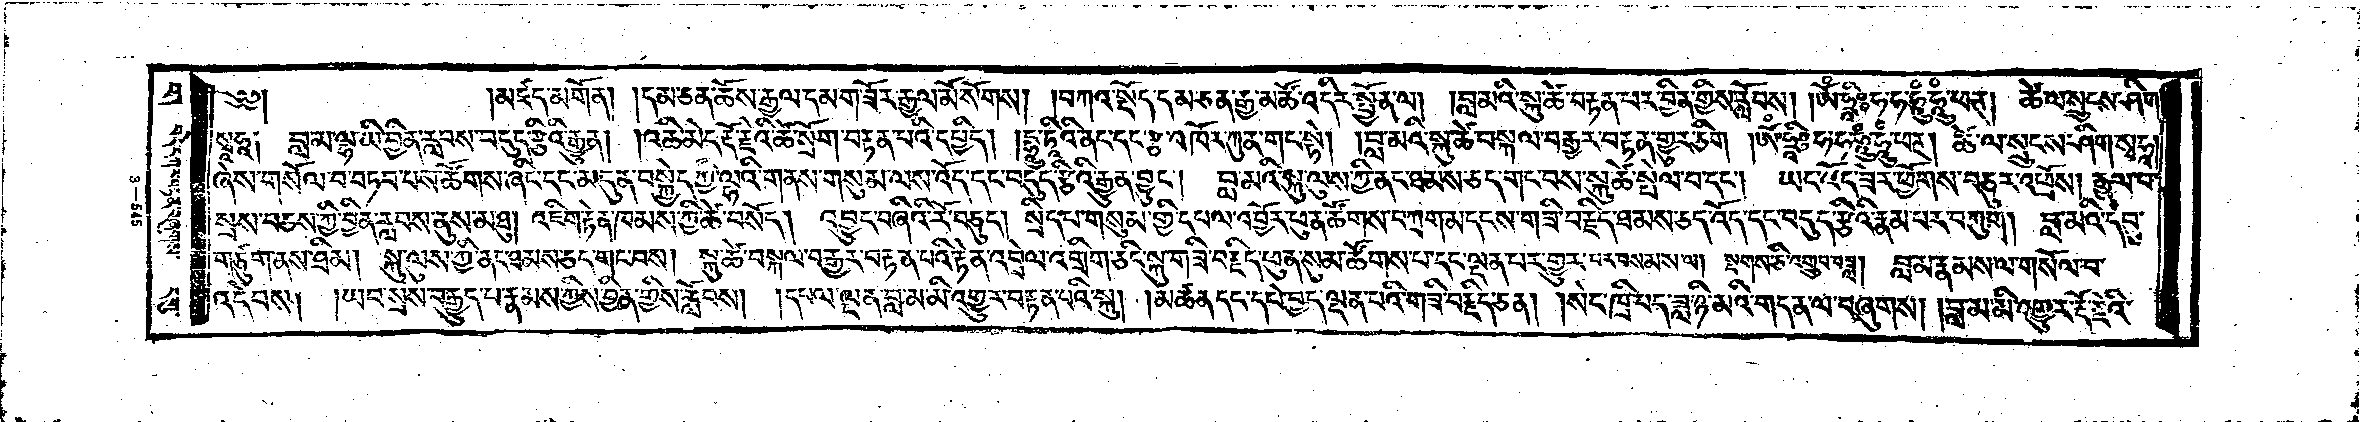༄༅། །མཛད་མགོན། །དམ་ཅན་ཆོས་རྒྱལ་དམག་ཟོར་རྒྱལ་མོ་སོགས། །བཀའ་སྡོད་དམ་ཅན་རྒྱ་མཚོ་འདིར་སྤྱོན་ལ། །བླ་མའི་སྐུ་ཚེ་བརྟན་པར་བྱིན་གྱིས་རློབས། །ཨོཾ་ཧྲཱིཿཧ་ཧ་ཧཱུཾ་ཧཱུཾ་ཕཊ། ཚེ་ལ་སྲུངས་ཤིག་
སྭཱཧཱ༑ བླ་མ་ལྷ་ཡི་བྱིན་རླབས་བདུད་རྩིའི་རྒྱུན། །འཆི་མེད་རྡོ་རྗེའི་ཚེ་སྲོག་བརྟན་པའི་དཔྱིད། །དྷཱུ་ཏཱིའི་ནང་དང་རྩ་འཁོར་ཀུན་གང་སྟེ། །བླ་མའི་སྐུ་ཚེ་བསྐལ་བརྒྱར་བརྟན་གྱུར་ཅིག །ཨོཾ་ཧྲཱིཿཧ་ཧ་ཧཱུཾ་ཧཱུཾ་ཕཊ། ཚེ་ལ་སྲུངས་ཤིག་སྭཱཧཱ།
ཞེས་གསོལ་བ་བཏབ་པས་ཚོགས་ཞིང་དང་མདུན་བསྐྱེད་ཀྱི་ལྷའི་གནས་གསུམ་ལས་འོད་དང་བདུད་རྩིའི་རྒྱུན་བྱུང་། བླ་མའི་སྐུ་ལུས་ཀྱི་ནང་ཐམས་ཅད་གང་བས་སྐུ་ཚེ་སྤེལ་བ་དང་། ཡང་འོད་ཟེར་ཕྱོགས་བཅུར་འཕྲོས། རྒྱལ་བ་
སྲས་བཅས་ཀྱི་བྱིན་རླབས་ནུས་མཐུ། འཇིག་རྟེན་ཁམས་ཀྱི་ཚེ་བསོད། འབྱུང་བཞིའི་རོ་བཅུད། སྲིད་པ་གསུམ་གྱི་དཔལ་འབྱོར་ཕུན་གཙུག་ནས་ཐིམ། སྐུ་ལུས་ཀྱི་ནང་ཐམས་ཅད་གང་བས། སྐུ་ཚེ་རྣམ་པར་བཀུག །བླ་མའི་དབུ་
གཙུག་ནས་ཐིམ། སྐུ་ལུས་ཀྱི་ནང་ཐམས་ཅད་གང་བས། སྐུ་ཚེ་བསྐལ་བརྒྱར་བརྟན་པའི་རྟེན་འབྲེལ་འགྲིག་ཅིང་སྐུ་གཟི་བརྗིད་ཕུན་སུམ་ཚོགས་པ་དང་ལྡན་པར་གྱུར་པར་བསམས་ལ། སྔགས་ཅི་འགྲུབ་བཟླ། བླ་མ་རྣམས་ལ་གསོལ་བ་
འདེབས། །ཡབ་སྲས་བརྒྱུད་པ་རྣམས་ཀྱིས་བྱིན་གྱིས་རློབས། །དཔལ་ལྡན་བླ་མ་མི་འགྱུར་བརྟན་པའི་སྐུ། །མཚན་དང་དཔེ་བྱད་ལྡན་པའི་གཟི་བརྗིད་ཅན། །སེང་ཁྲི་པད་ཟླ་ཉི་མའི་གདན་ལ་བཞུགས། །བླ་མ་མི་འགྱུར་རྡོ་རྗེའི་